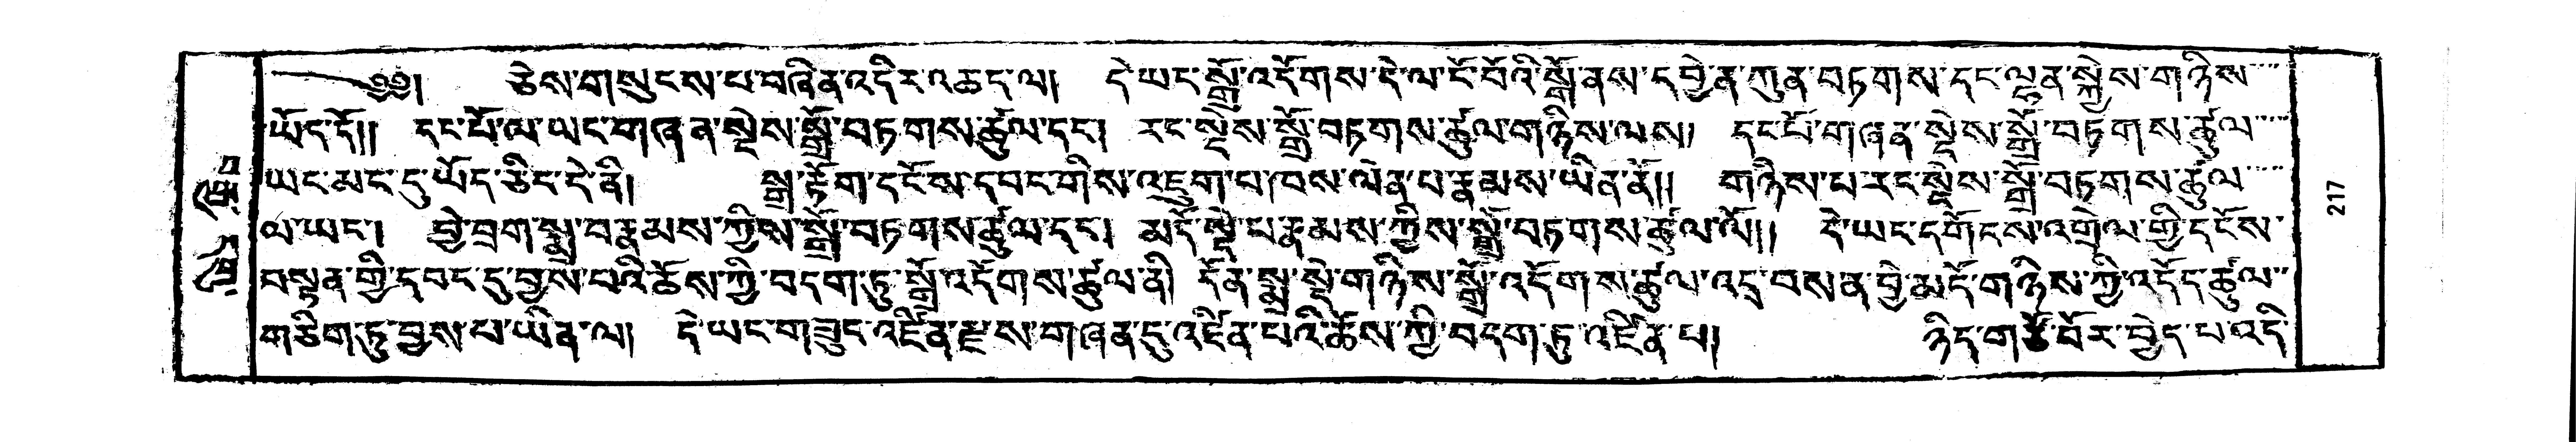༄༅། །ཅེས་གསུངས་པ་བཞིན་འདིར་འཆད་ལ། དེ་ཡང་སྒྲོ་འདོགས་དེ་ལ་ངོ་བོའི་སྒྲོ་ནས་དབྱེ་ན་ཀུན་བཏགས་དང་ལྷན་སྐྱེས་གཉིས་
ཡོད་དོ། །དང་པོ་ལ་ཡང་གཞན་སྡེས་སྒྲོ་བཏགས་ཚུལ་དང་། རང་སྡེས་སྒྲོ་བཏགས་ཚུལ་གཉིས་ལས། དང་པོ་གཞན་སྡེས་སྒྲོ་བཏགས་ཚུལ་
ཡང་མང་དུ་ཡོད་ཅིང་དེ་ནི། སྒྲ་རྟོག་དངོས་དབང་གིས་འཇུག་པ་ཁས་ལེན་པ་རྣམས་ཡིན་ནོ། །གཉིས་པ་རང་སྡེས་སྒྲོ་བཏགས་ཚུལ་ལ་ཡང་། བྱེད་བྲག་སྨྲ་བ་རྣམས་ཀྱིས་སྒྲོ་བཏགས་ཚུལ་དང་། མདོ་སྡེ་པ་རྣམས་ཀྱིས་སྒྲོ་བཏགས་ཚུལ་ལོ། །དེ་ཡང་དགོངས་འགྲེལ་གྱི་དངོས་
བསྟན་གྱི་དབང་དུ་བྱས་པའི་ཆོས་ཀྱི་བདག་ཏུ་སྒྲོ་འདོགས་ཚུལ་ནི། དོན་སྨྲ་སྡེ་གཉིས་སྒྲོ་འདོགས་ཚུལ་འདྲ་བས་ན་བྱེ་མདོ་གཉིས་ཀྱི་འདོད་ཚུལ་
གཅིག་ཏུ་བྱས་པ་ཡིན་ལ། དེ་ཡང་གཟུང་འཛིན་རྫས་གཞན་དུ་འཛིན་པའི་ཆོས་ཀྱི་བདག་ཏུ་འཛིན་པ། ཉིད་གཙོ་བོར་བྱེད་པ་འདི་